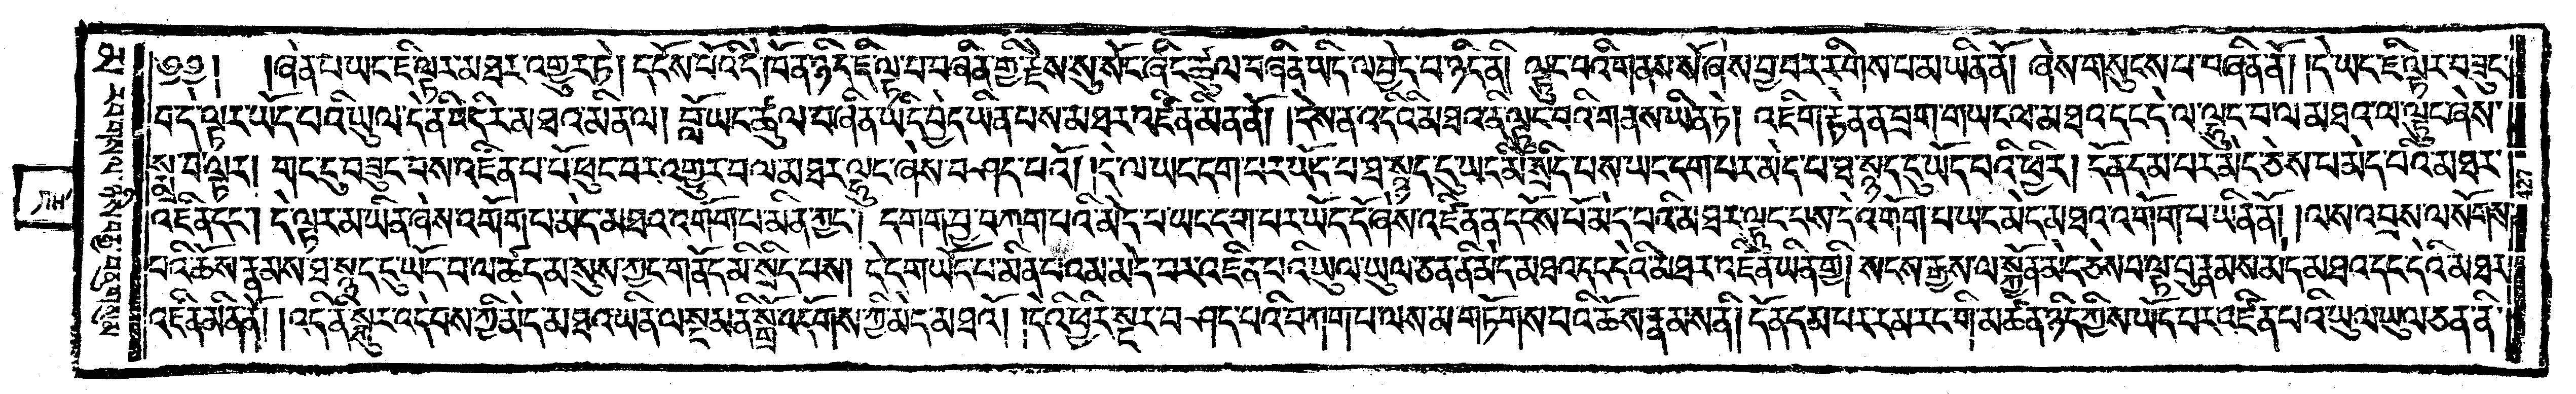༄༅། །ཞེན་པ་ཡང་ཇི་ལྟར་མཐར་འགྱུར་ཏེ། དངོས་པོའི་དེ་ཁོ་ན་ཉིད་ཇི་ལྟ་བ་བཞིན་གྱི་རྗེས་སུ་སོང་ཞིང་ཚུལ་བཞིན་ཡིད་ལ་བྱེད་པ་ཉིད་ནི། ལྟུང་བའི་གནས་སོ་ཞེས་བྱ་བར་རིགས་པ་མ་ཡིན་ནོ། ཞེས་གསུངས་པ་བཞིན་ནོ། །དེ་ཡང་ཇི་ལྟར་བཟུང་
བ་དེ་ལྟར་ཡོད་པའི་ཡུལ་དེ་ནི་འདིར་མཐའ་མིན་ལ། བློ་ཡང་ཚུལ་བཞིན་ཡིད་བྱེད་ཡིན་པས་མཐར་འཛིན་མིན་ནོ། །དེས་ན་འདིའི་མཐའ་ནི་ལྟུང་བའི་གནས་ཡིན་ཏེ། འཇིག་རྟེན་ན་བྲག་གཡང་ལ་མཐའ་དང་དེ་ལ་ལྷུང་བ་ལ་མཐའ་ལ་ལྟུང་ཞེས་
སྨྲ་བ་ལྟར། གང་དུ་གཟུང་བས་འཛིན་པ་པོ་ཕུང་བར་འགྱུར་བ་ལ་མཐར་ལྷུང་ཞེས་བཤད་པའོ། །དེ་ལ་ཡང་དག་པར་ཡོད་པ་ཐ་སྙད་དུ་ཡང་མི་སྲིད་པས་ཡང་དག་པར་མེད་པ་ཐ་སྙད་དུ་ཡོད་པའི་ཕྱིར། དོན་དམ་པར་མེད་ཅེས་པ་མེད་པའི་མཐར་
འཛིན་དང་། དེ་ལྟར་མ་ཡིན་ཞེས་འགོག་པ་མེད་མཐའ་འགོག་པ་མིན་ཀྱང་། དགག་བྱ་བཀག་པའི་མེད་པ་ཡང་དག་པར་ཡོད་དོ་ཞེས་འཛིན་ན་དངོས་པོ་མེད་པའི་མཐར་ལྟུང་བས་དེ་འགོག་པ་ཡང་མེད་མཐའ་འགོག་པ་ཡིན་ནོ། །ལས་འབྲས་ལ་སོགས་
པའི་ཆོས་རྣམས་ཐ་སྙད་དུ་ཡོད་པ་ལ་ཚད་མ་སུས་ཀྱང་གནོད་མི་སྲིད་པར། དེ་དག་ཡོད་པ་མིན་པའམ་མེད་པར་འཛིན་པའི་ཡུལ་ཡུལ་ཅན་ནི་མེད་མཐའ་དང་དེའི་མཐར་འཛིན་གྱི། སངས་རྒྱས་ལ་སྐྱོན་མེད་ཅེས་པ་ལྟ་བུ་རྣམས་མེད་མཐའ་དང་དེའི་མཐར་
འཛིན་མིན་ནོ། །འདི་ནི་སྐུར་འདེབས་ཀྱི་མེད་མཐའ་ཡིན་ལ་སྔ་མ་ནི་སྒྲོ་འདོགས་ཀྱི་མེད་མཐའ་འོ། །དེའི་ཕྱིར་སྔར་བཤད་པའི་བཀག་པ་ལས་མ་གཏོགས་པའི་ཆོས་རྣམས་ནི། དོན་དམ་པར་རམ་རང་གི་མཚན་ཉིད་ཀྱིས་ཡོད་པར་འཛིན་པའི་ཡུལ་ཡུལ་ཅན་ནི་